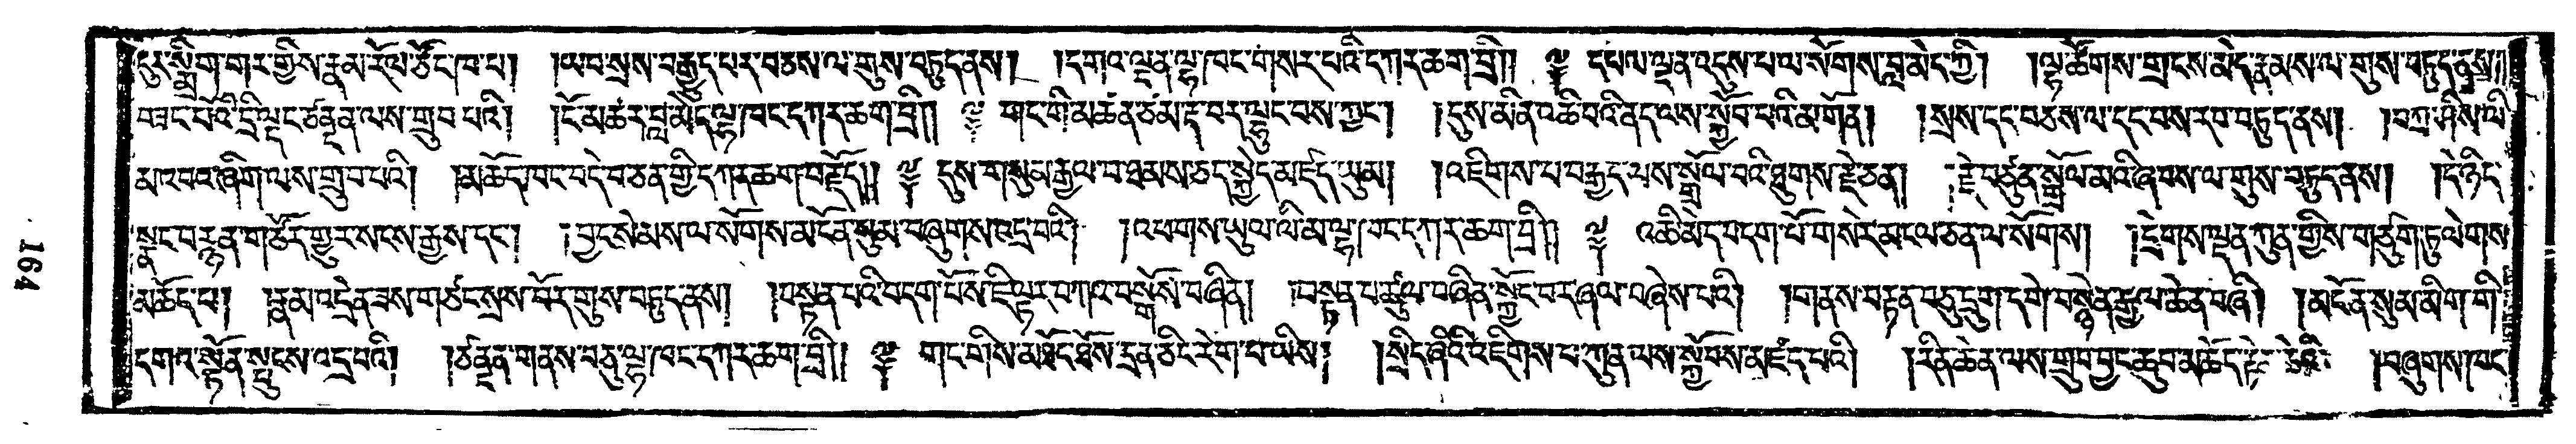དུར་སྨྲིག་གར་གྱིས་རྣམ་རོལ་ཙོང་ཁ་པ། །ཡབ་སྲས་བརྒྱུད་པར་བཅས་ལ་གུས་བཏུད་ནས། །དགའ་ལྡན་ལྷ་ཁང་གསར་པའི་དཀར་ཆག་བྲི།། ༈ དཔལ་ལྡན་འདུས་པ་ལ་སོགས་བླ་མེད་ཀྱི། །ལྷ་ཚོགས་གྲངས་མེད་རྣམས་ལ་གུས་བཏུད་ནས།།
བཟང་པོའི་དྲི་ལྡང་ཙནྡན་ལས་གྲུབ་པའི། །ངོ་མཚར་བླ་མེད་ལྷ་ཁང་དཀར་ཆག་བྲི།། ༈ གང་གི་མཚན་ཙམ་རྡ་བར་ལྷུང་བས་ཀྱང་། །དུས་མིན་འཆི་བའི་ནད་ལས་སྐྱོབ་པའི་མགོན། །སྲས་དང་བཅས་ལ་དང་བས་རབ་བཏུད་ནས། །བཀྲ་ཤིས་ལི་
མ་འབའ་ཞིག་ལས་གྲུབ་པའི། །མཆོད་ཁང་བདེ་བ་ཅན་གྱི་དཀར་ཆག་བརྗོད།། ༈ དུས་གསུམ་རྒྱལ་བ་ཐམས་ཅད་སྐྱེད་མཛད་ཡུམ། །འཇིགས་པ་བརྒྱད་ལས་སྒྲོལ་བའི་ཐུགས་རྗེ་ཅན། །རྗེ་བཙུན་སྒྲོལ་མའི་ཞབས་ལ་གུས་བཏུད་ནས། །དེ་ཉིད་
སྣང་བརྙན་གཙོར་གྱུར་སངས་རྒྱས་དང་། །བྱང་སེམས་ལ་སོགས་མངོན་སུམ་བཞུགས་འདྲ་བའི། །འཕགས་ཡུལ་ལི་མ་ལྷ་ཁང་དཀར་ཆག་བྲི།། ༈ འཆི་མེད་བདག་པོ་གསེར་མངལ་ཅན་ལ་སོགས། །དྲེགས་ལྡན་ཀུན་གྱིས་གཙུག་ཏུ་ལེགས་
མཆོད་པ། །རྣམ་འདྲེན་ཟས་གཙང་སྲས་བོར་གུས་བཏུད་ནས། །བསྟན་པའི་བདག་པོས་ཇི་ལྟར་བཀའ་བསྒོས་བཞིན། །བསྟན་པ་ཚུལ་བཞིན་སྐྱོང་བར་ཞལ་བཞེས་པའི། །གནས་བརྟན་བཅུ་དྲུག་དགེ་བསྙེན་རྒྱལ་ཆེན་བཞི། །མངོན་སུམ་མིག་གི་
དགའ་སྟོན་སྤུངས་འདྲ་པའི། །ཙནྡན་གནས་བཅུ་ལྷ་ཁང་དཀར་ཆག་བྲི།། ༈ གང་གིས་མཐོང་ཐོས་དྲན་ཅིང་རེག་པ་ཡིས། །སྲིད་ཞིའི་འཇིགས་པ་ཀུན་ལས་སྐྱོབས་མཛད་པའི། །རིན་ཆེན་ལས་གྲུབ་བྱང་ཆུབ་མཆོད་རྟེན་ཆེའི། །བཞུགས་ཁང་